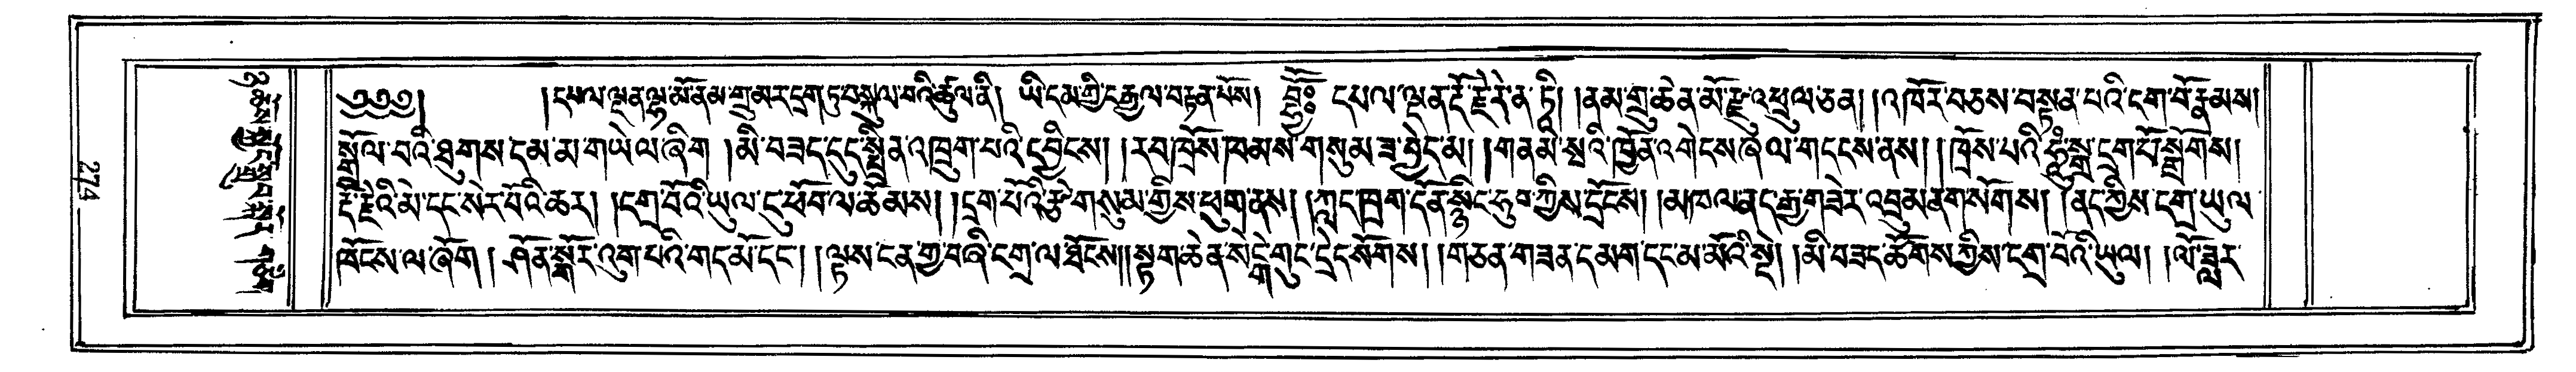༄༅༅། །དཔལ་ལྡན་ལྷ་མོ་ནམ་གྲུ་མར་དྲག་ཏུ་བསྐུལ་བའི་ཚུལ་ནི། ཡི་དམ་གྱི་ང་རྒྱལ་བརྟན་པོས། བྷྱཽཿ དཔལ་ལྡན་རྡོ་རྗེ་རེ་མ་ཏཱི། །ནམ་གྲུ་ཆེན་མོ་རྫུ་འཕྲུལ་ཅན། །འཁོར་བཅས་བསྟན་པའི་དགྲ་བོ་རྣམས་
སྒྲོལ་བའི་ཐུགས་དམ་མ་གཡེལ་ཞིག །མི་བཟད་དུད་སྤྲིན་འཁྲུག་པའི་དབྱིངས། །རབ་ཁྲོས་ཁམས་གསུམ་ཟ་བྱེད་མ། །གནམ་སའི་ཁྱོན་འགེངས་ཞལ་གདངས་ནས། །ཁྲོས་པའི་ཧཱུཾ་སྒྲ་དྲག་པོ་སྒྲོགས།།
རྡོ་རྗེའི་མེ་དང་སེར་བའི་ཆར། །དགྲ་བོའི་ཡུལ་དུ་ཕོབ་ལ་ཆོམས། །དྲག་པོའི་རྩེ་གསུམ་གྱིས་ཕུག་ནས། །ཀླད་ཁྲག་དོན་སྙིང་ཧུབ་ཀྱིས་དྲོངས། །མཁལ་ནད་རྒྱུ་གཟེར་འབྲུམ་ནག་སོགས། །ནད་ཀྱིས་དགྲ་ཡུལ་
ཁོངས་ལ་ཞོག །ཤོན་སྒོར་འུག་པའི་གད་མོ་དང་། །ལྟས་ངན་གྱ་བཞི་དགྲ་ལ་ཐོངས། །སྟག་ཆེན་སེངྒེ་གུང་དྲེད་སོགས། །གཅན་གཟན་དམག་དང་མ་མོའི་སྡེ། །མི་བཟད་ཚོགས་ཀྱིས་དགྲ་བོའི་ཡུལ། །ལོ་ཟླར་